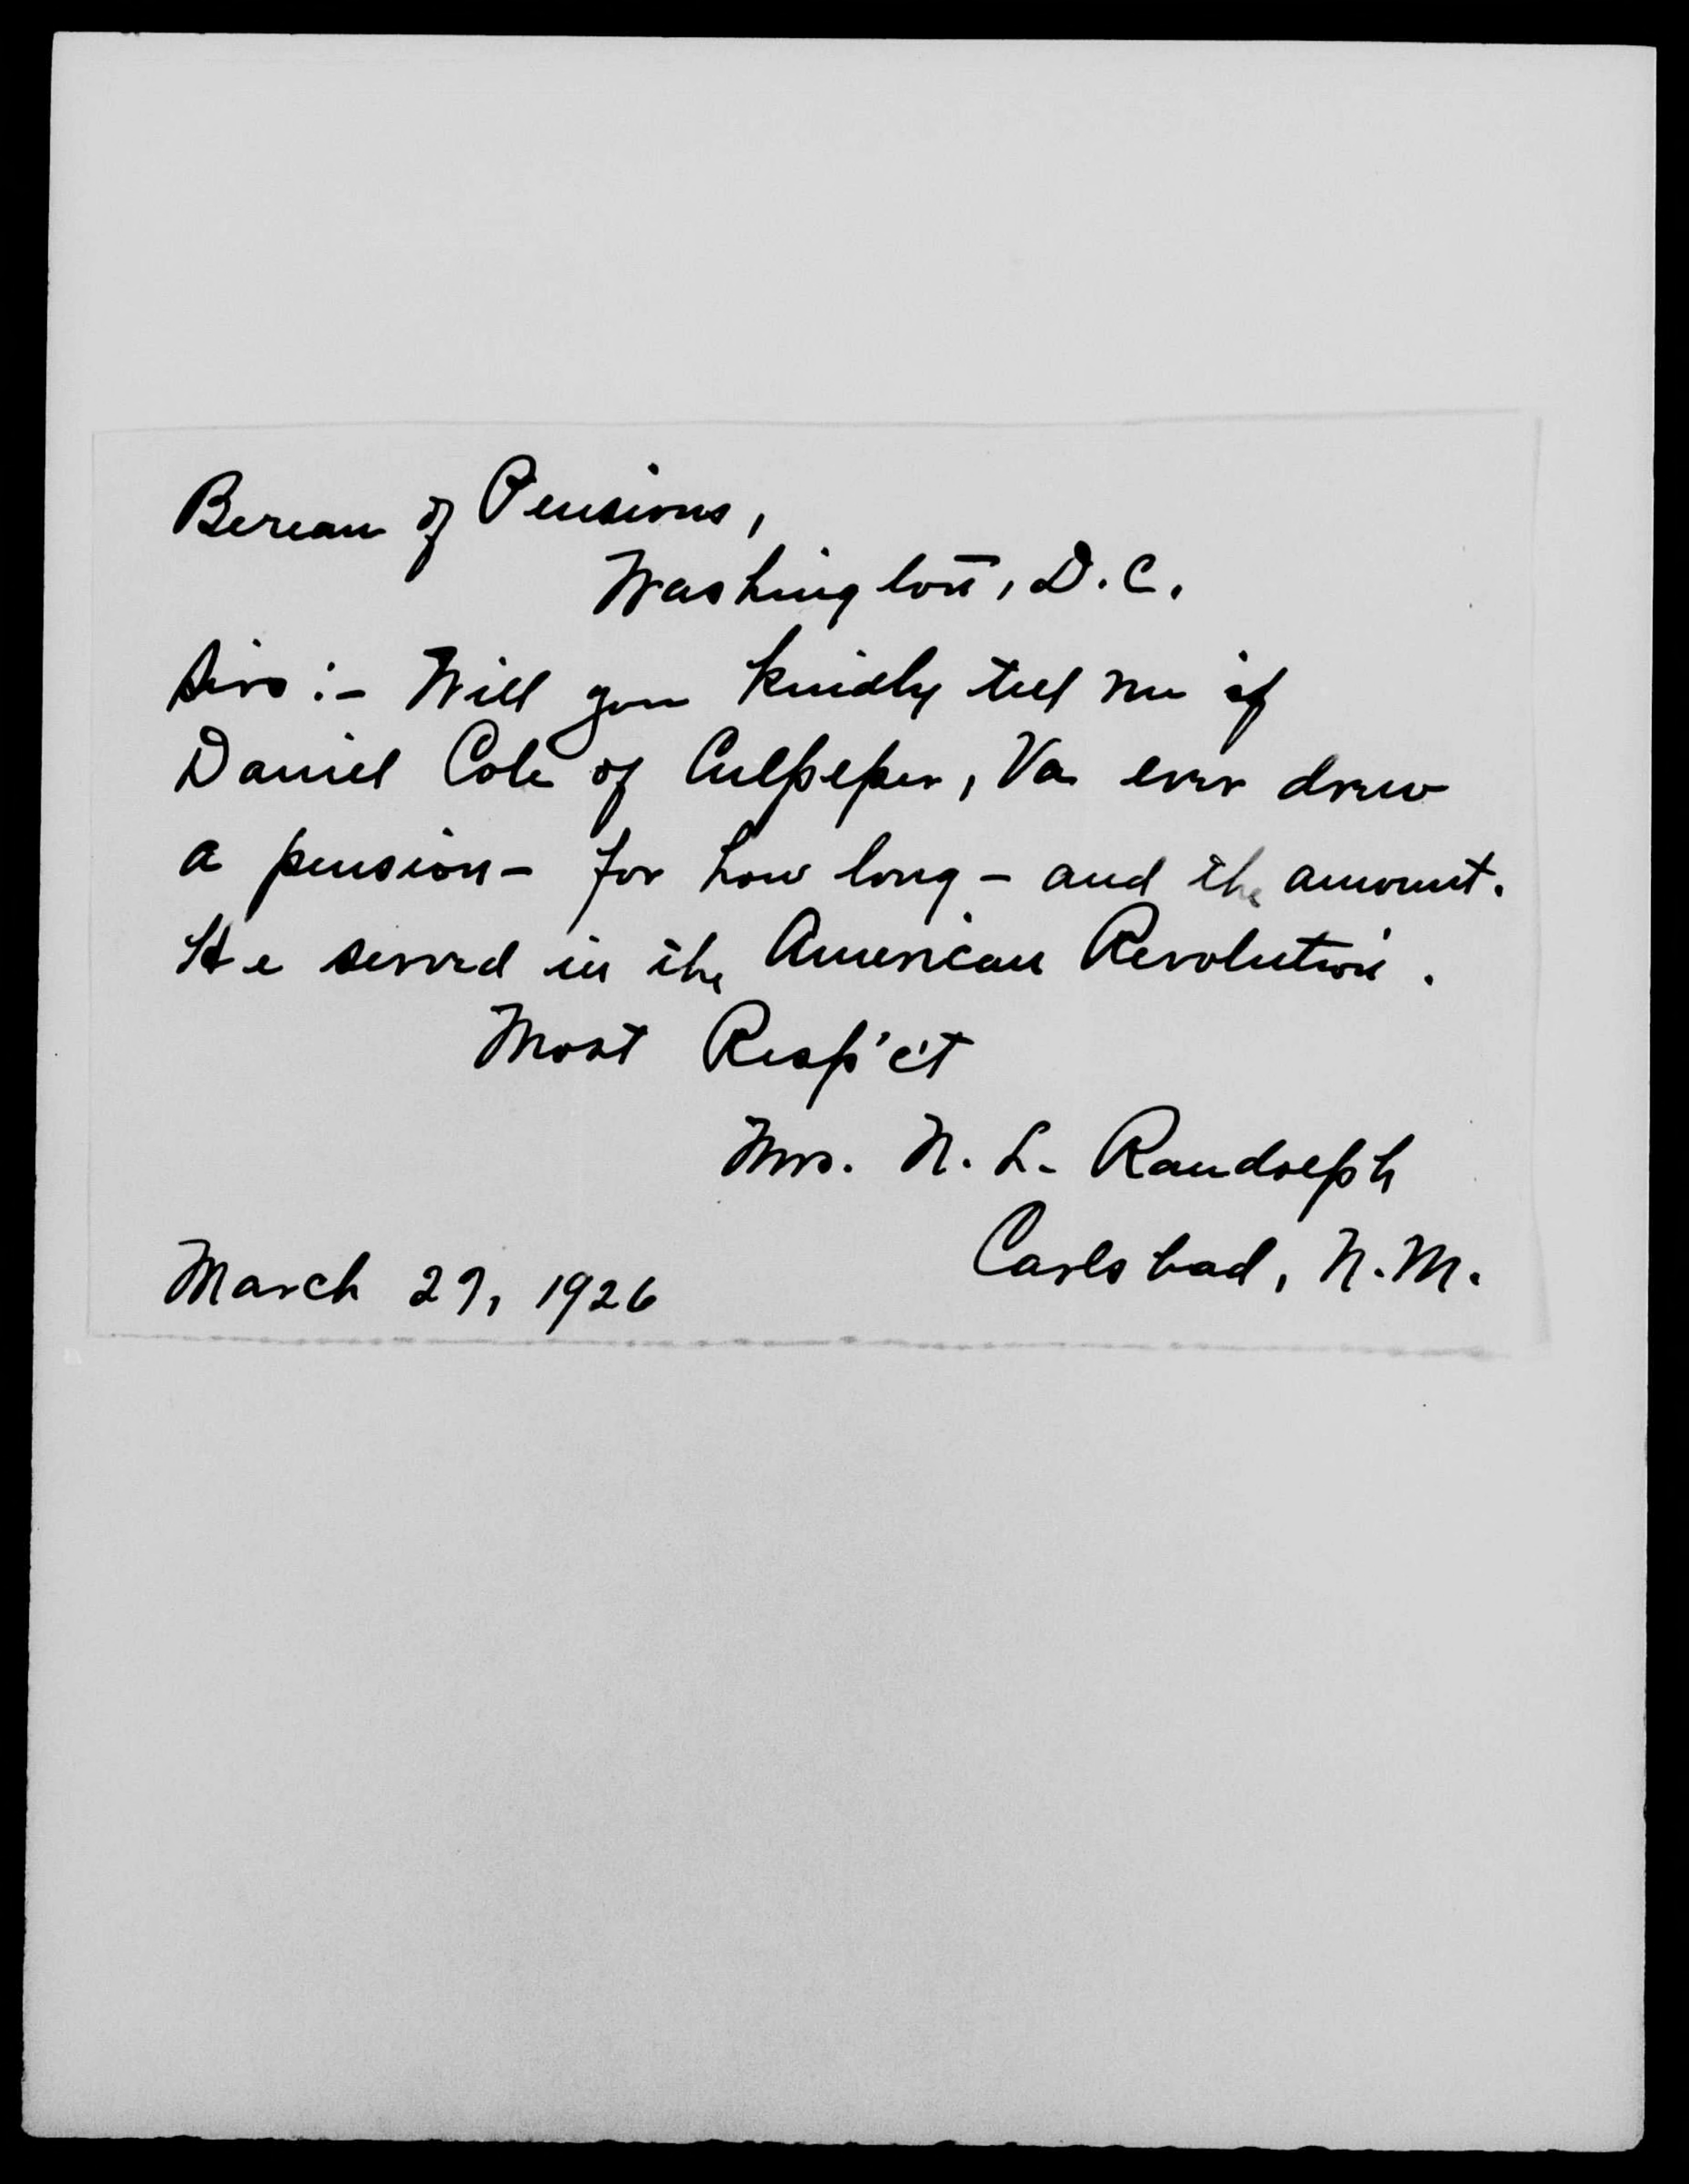Bureau of Pensions,
Washington, D.C. 

Sirs: - Will you kindly tell me if Daniel Cole of Culpeper, Va ever drew
a pension - for how long - and the amount. He served in the American Revolution.

Most Resp'ct
Mrs. N. L. Randolph
Carlsbad, N.M. 

March 27, 1926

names: N L Randolph, Daniel Cole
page: 57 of 61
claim: survivor's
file: S. 8236, Daniel Cole, Va.